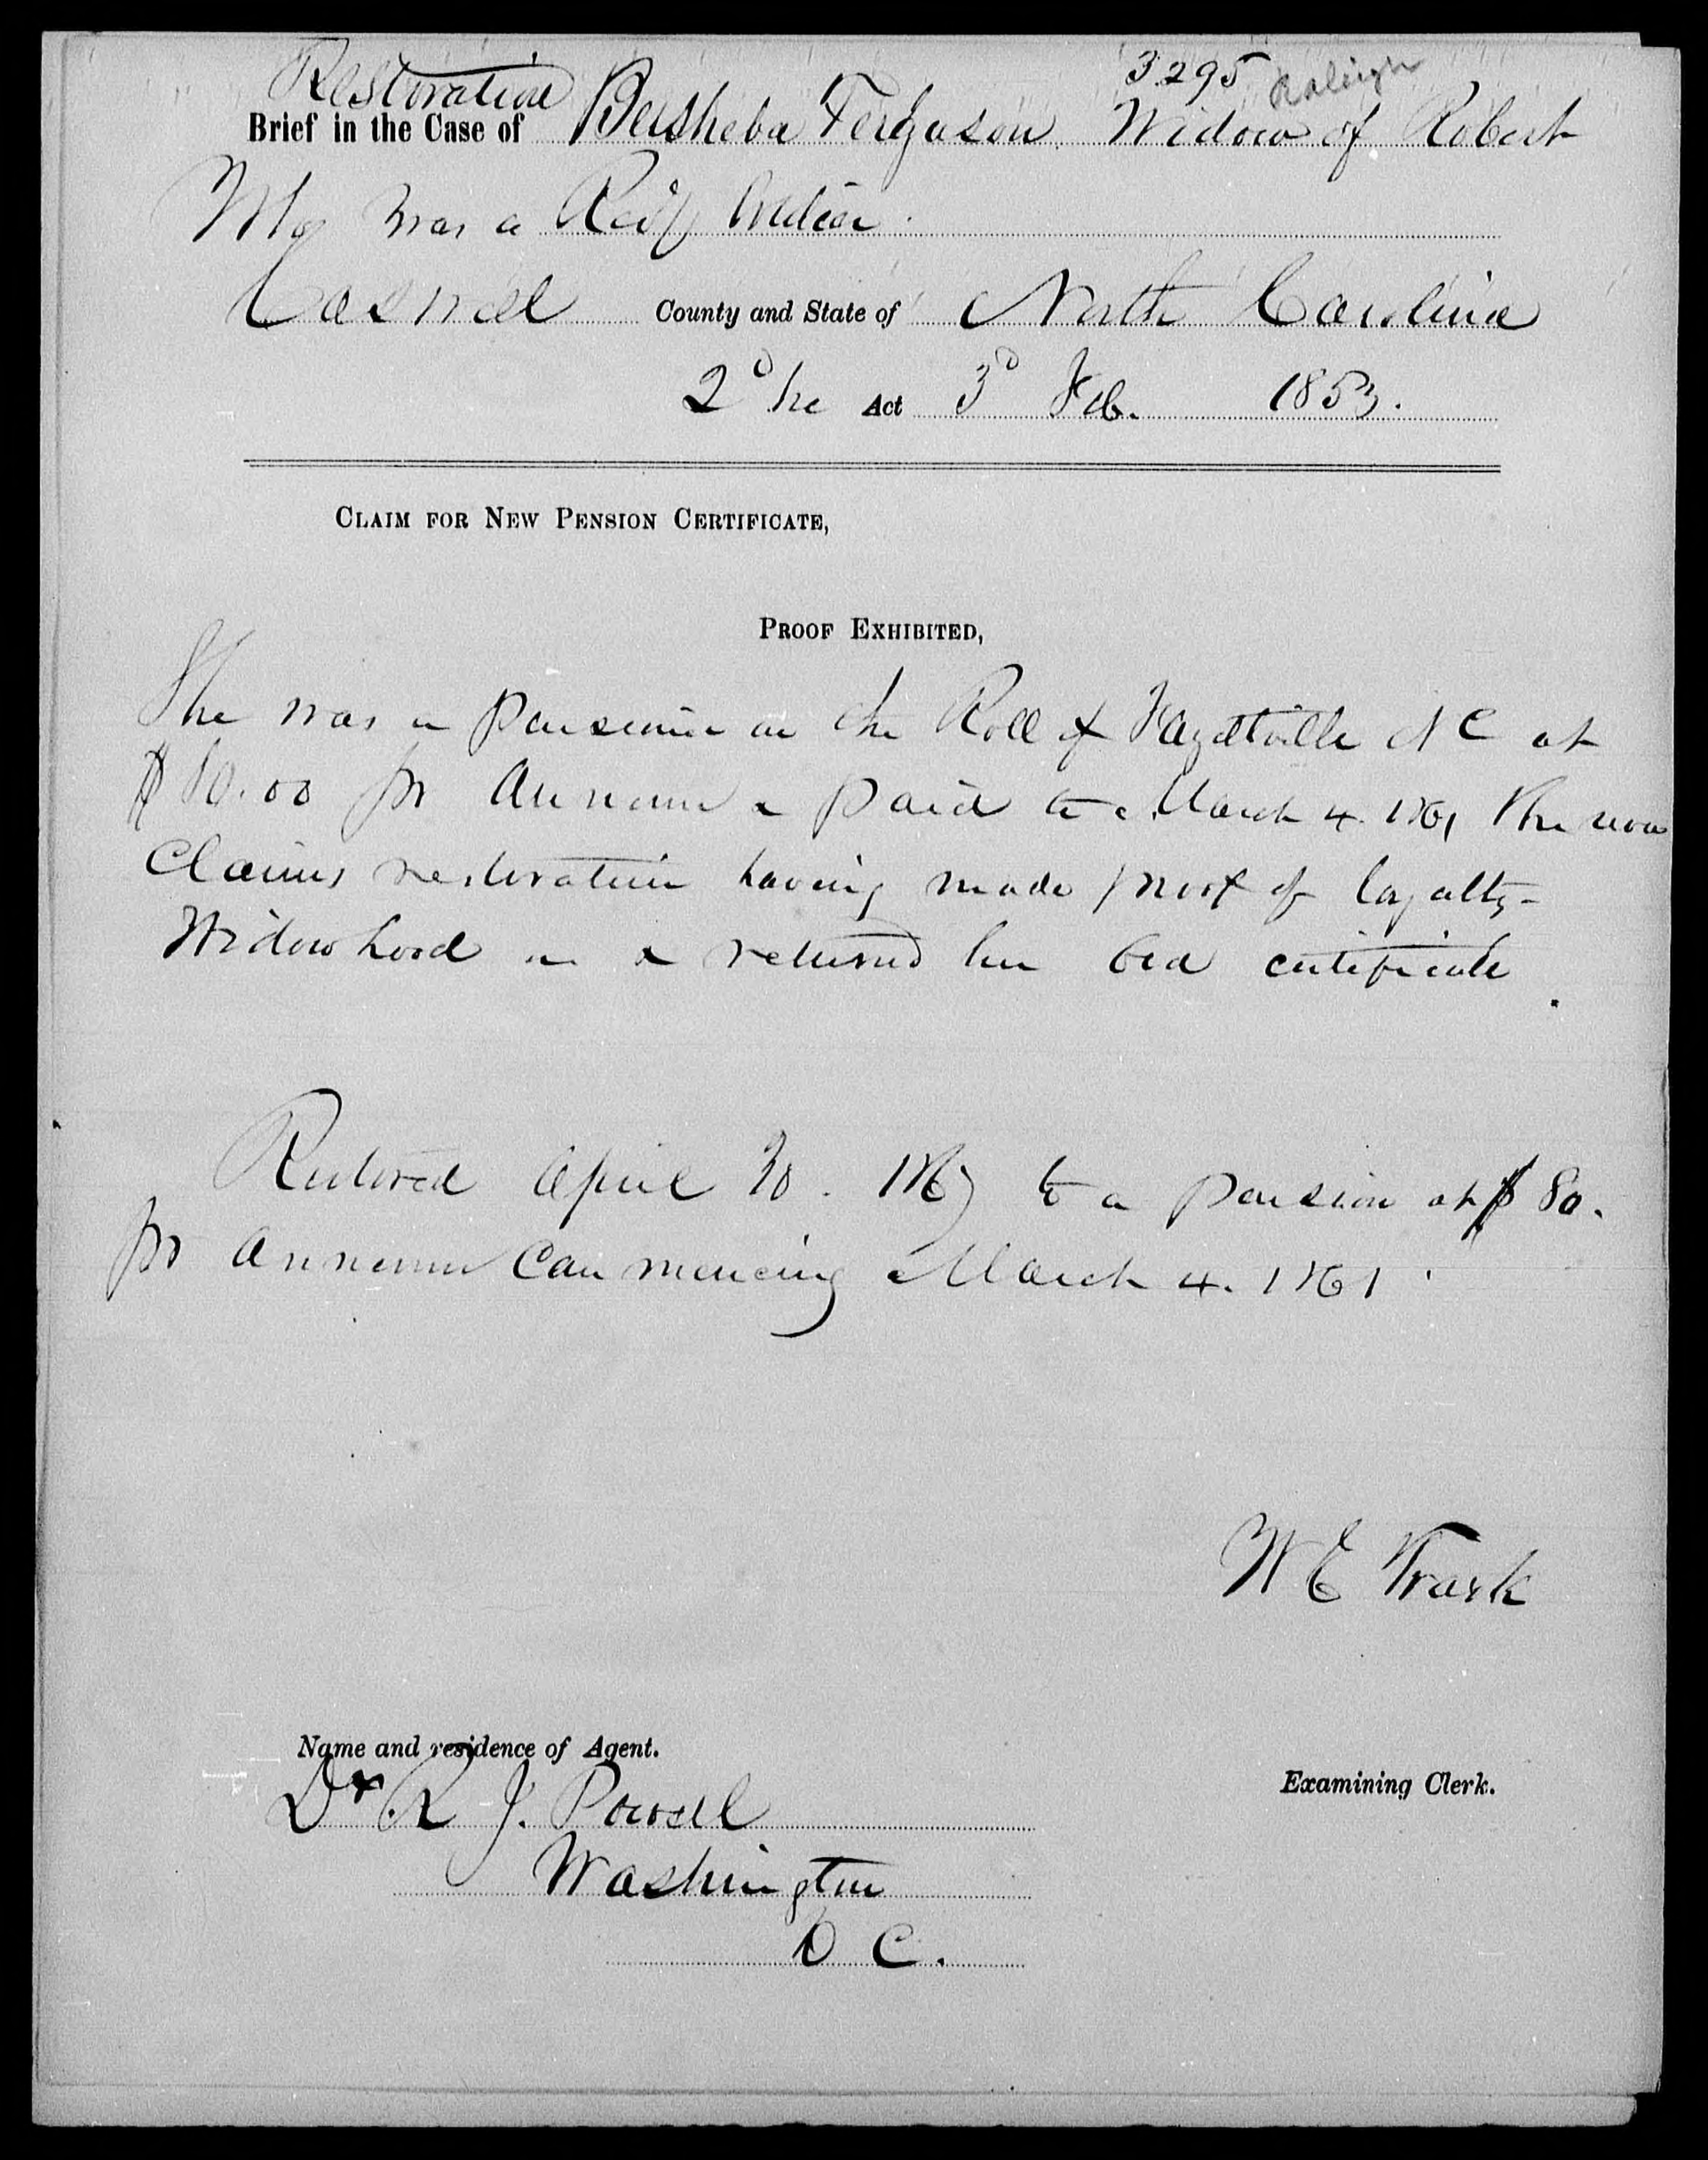3295 ^Raleigh
Restoration
Brief in the case of Bersheba Ferguson  Widow of Robert
Who was a Rev soldier
Caswell County and State of North Carolina
2o the Act 3 Feb. 1853.
CLAIM FOR NEW PENSION CERTIFICATE,
PROOF ExHIBITED,
He was a pensioner on the Roll of Fayetteville NC at $80.00 per annum & paid to March 4, 1861  She now claims restoration having made proof of loyalty-
Widowhood & returned her good certificate
Restored April 30. 1861 to a pension at $80
annum commencing March 4. 1161
Name and residence of Agent.
Dr. R. J. Powell
Washington
D.C.
W E Trask
Examining Clerk.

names: R J Powell, Bersheba Ferguson, W E Trask, Robert Ferguson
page: 38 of 81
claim: widow's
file: W. 7262, Robert Ferguson, Va.